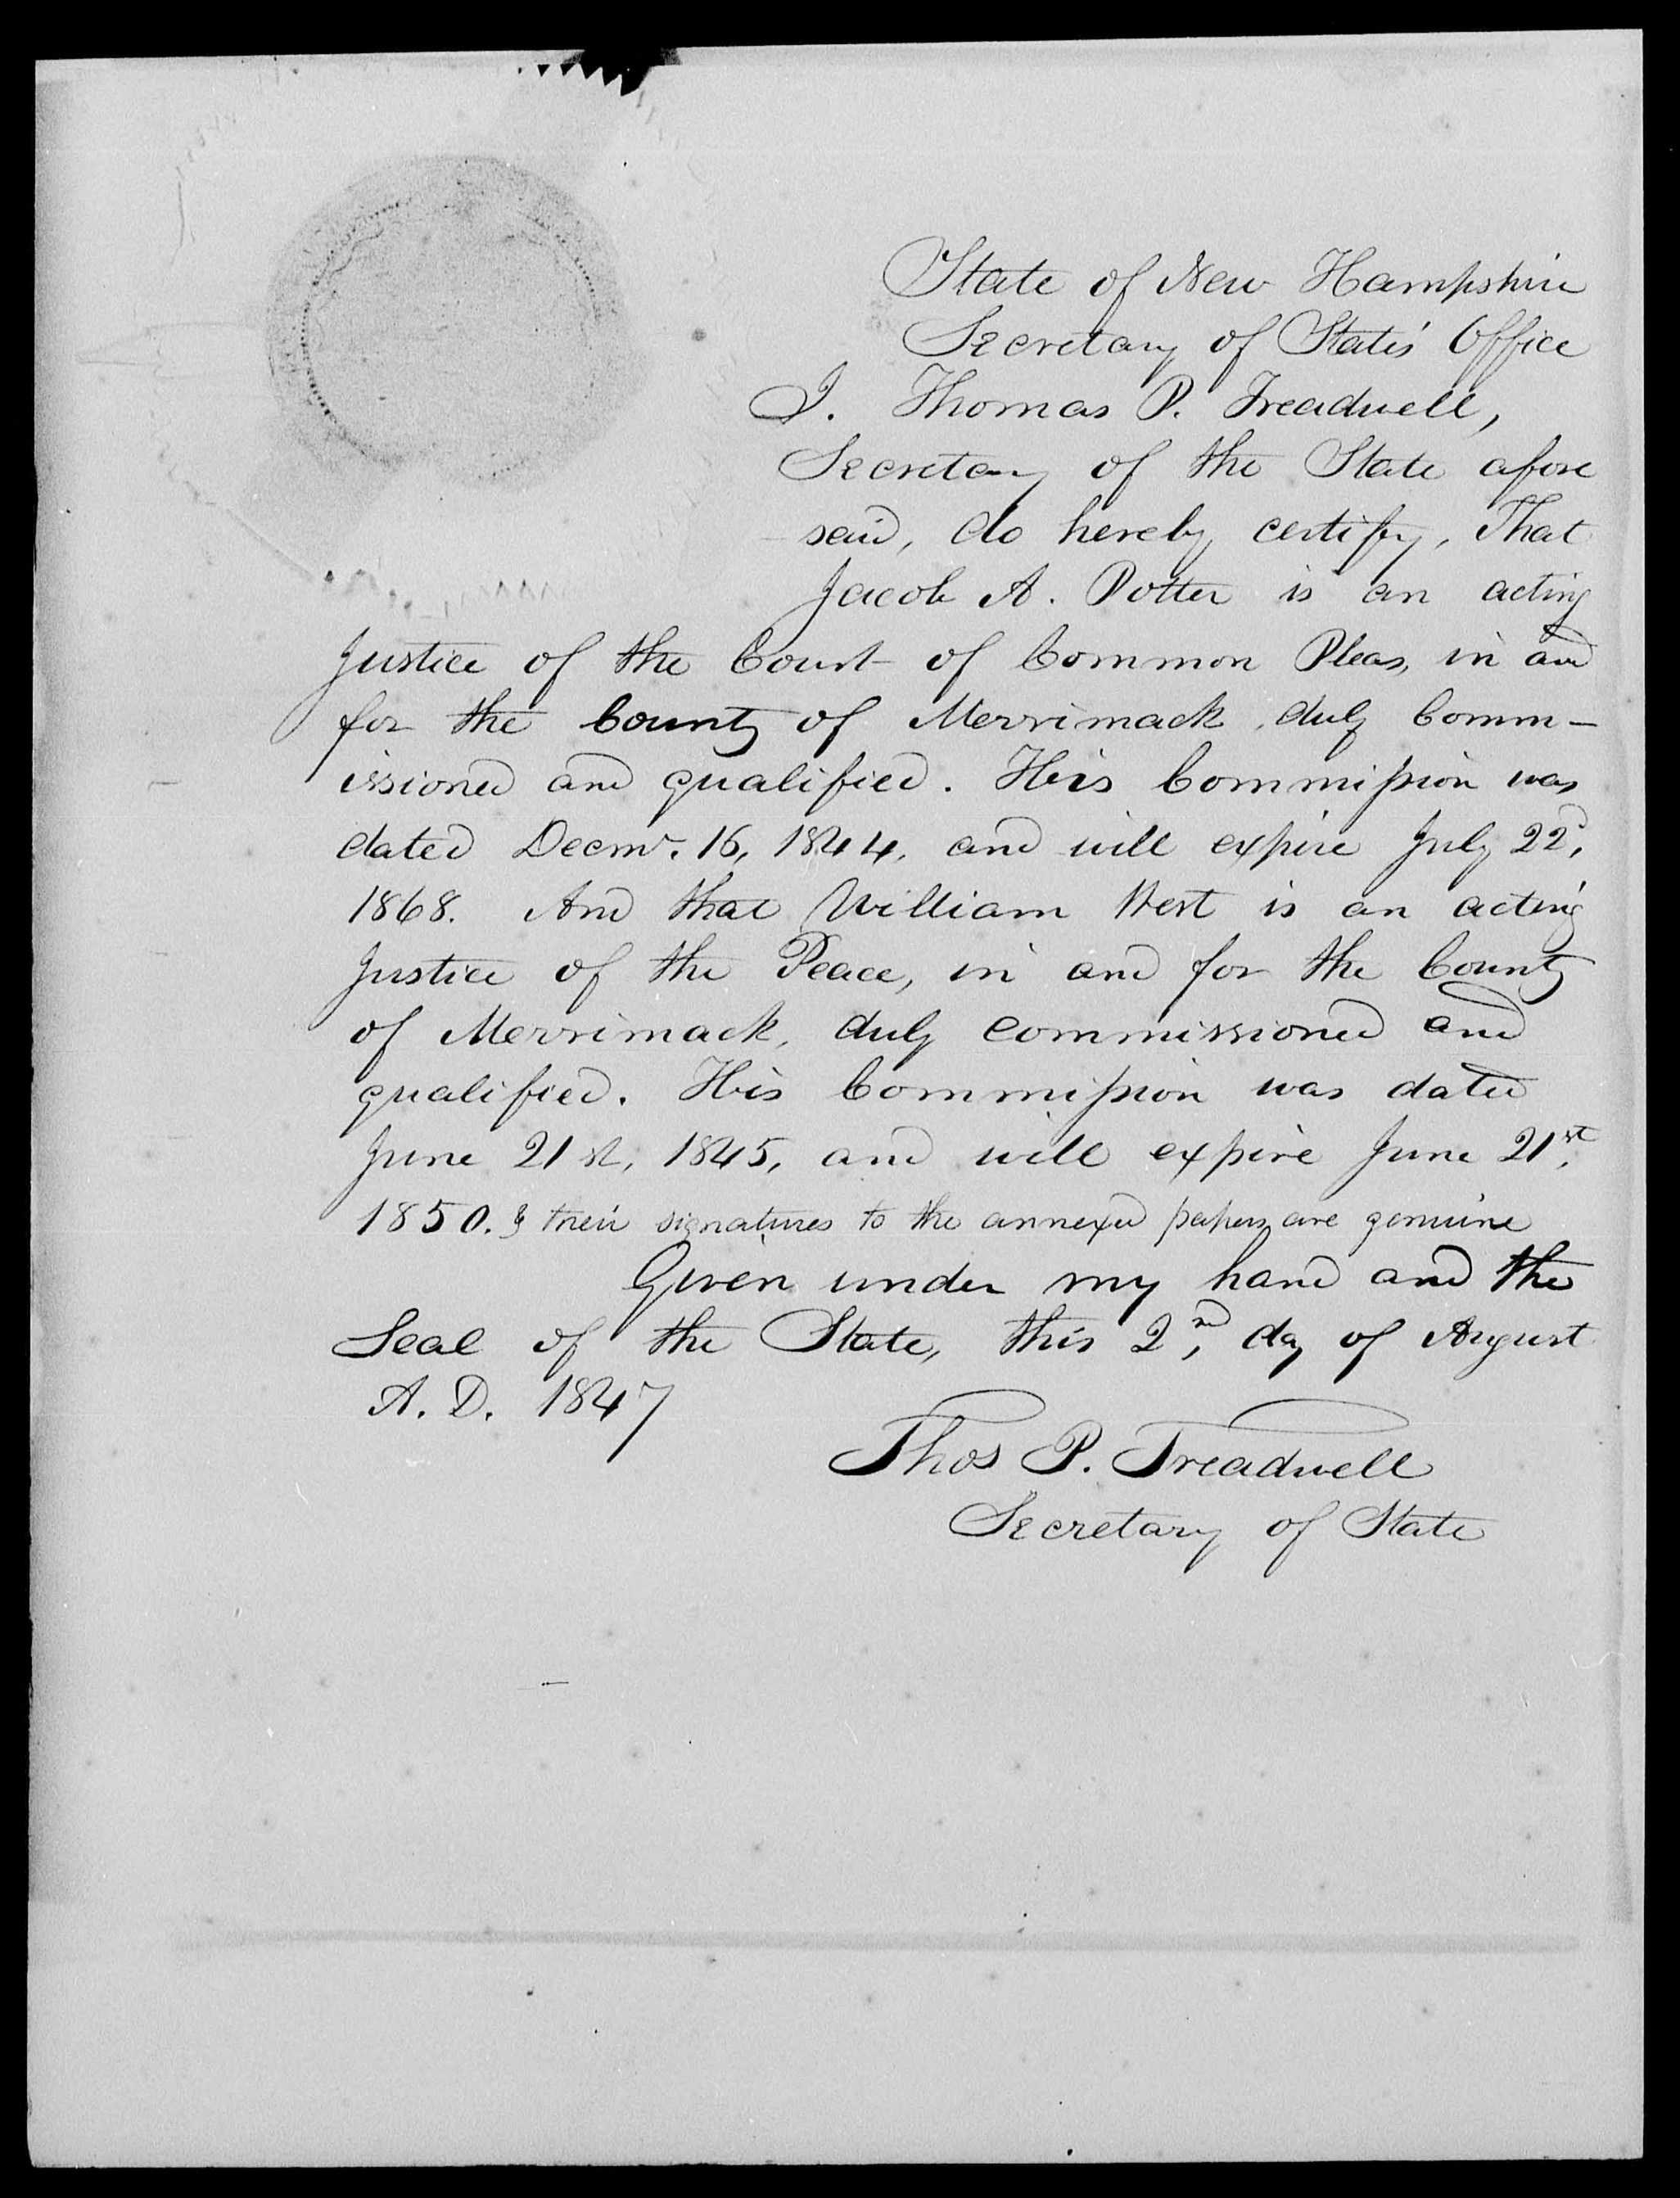State of New Hampshire
Secretary of States Office
 I, Thomas P. Treadwell,
Secretary of the State afore
said, do hereby certify, That
Jacob A. Potter is an acting
Justice of the Court of Common Pleas, in and
for the County of Merrimack duly Commissioned
and qualified. His Commission was
dated Decm. 16, 1844, and will expire July 22,
1868.
And that William West is an acting
Justice of the Peace, in and for the County
of Merrimack, duly commissioned
and
qualified. His Commission was dated
June 21st, 1845, and will expire June 21st
1850. & their signatures to the annexed papers are genuine
Given under my hand and the seal of 
the State, this 2nd day of August
A.D. 1847
Thos P. Treadwell
Secretary of State
[illegible seal]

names: William West, Thomas P Treadwell, Thos P Treadwell, Jacob A Potter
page: 51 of 57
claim: widow's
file: W. 23217, Thomas Haines, N H